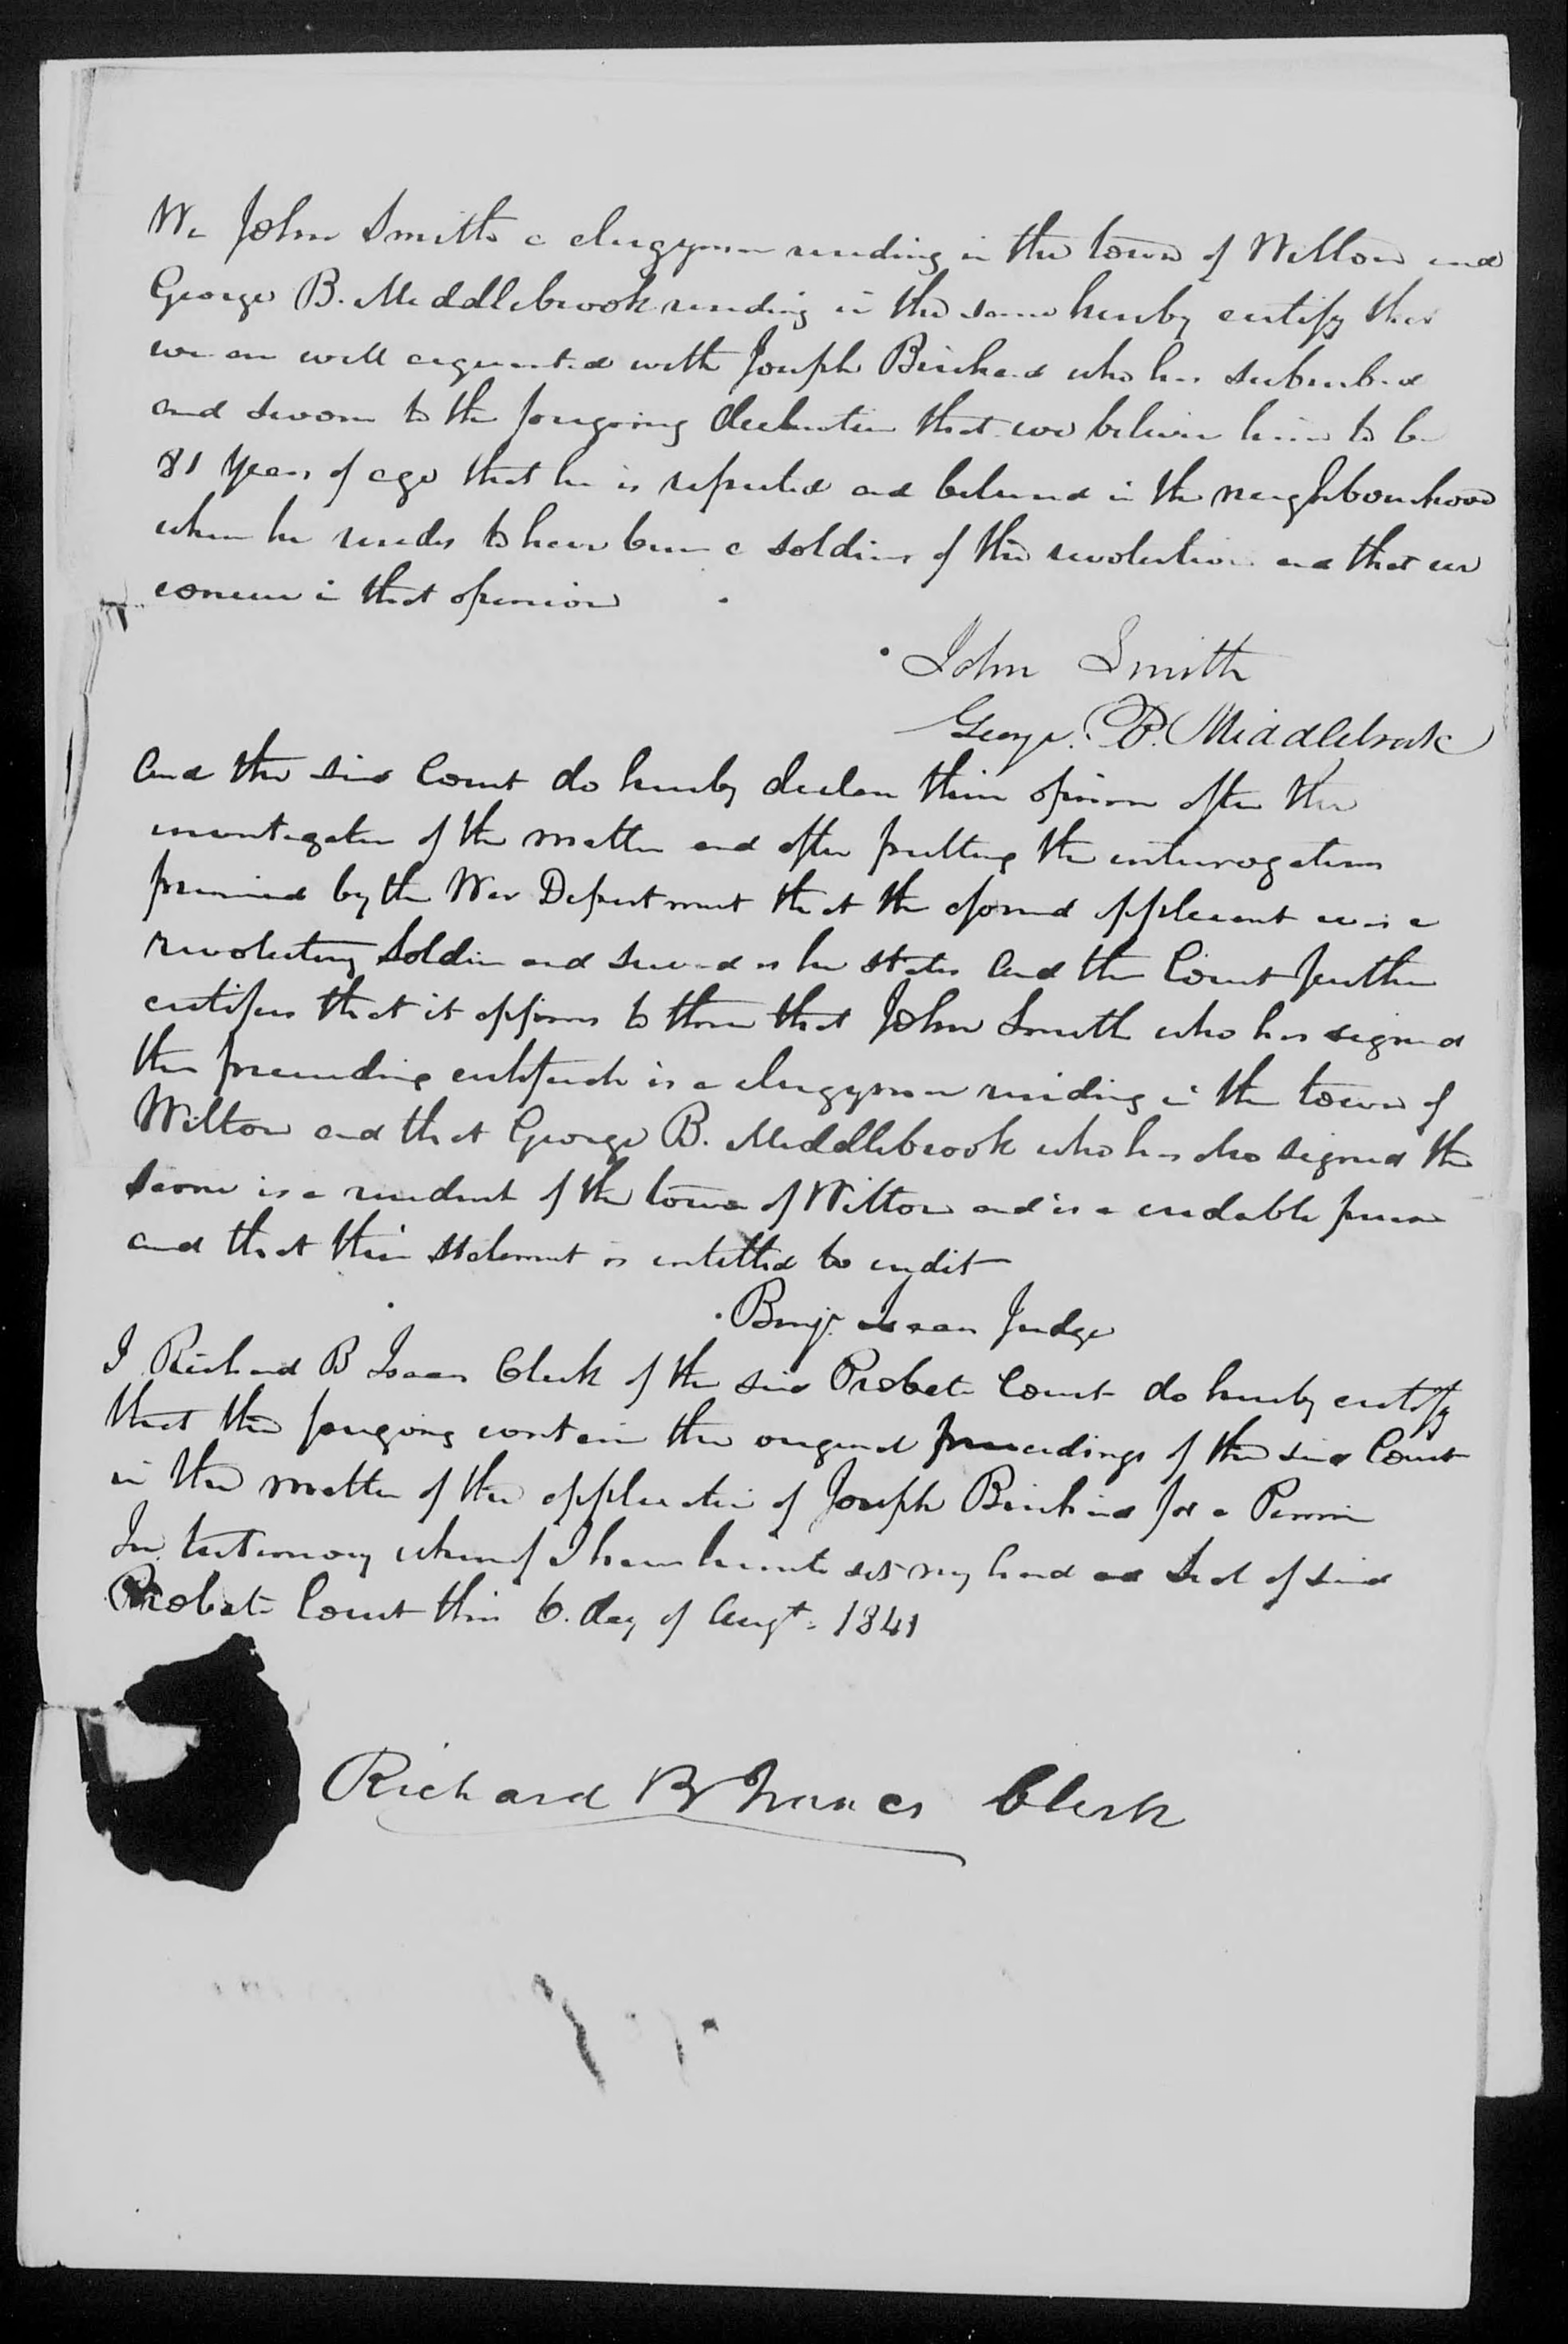We John Smith a clergyman residing in the town of Willow and George B. Middlebrook residing in the same hereby certify that we are well acquainted with Joseph Birchard who has subscribed and sworn to the foregoing declaration that we believe to be 81 years of age that he is reputed and believed in the neighborhood where he resides  believe  was a soldier of the revolution and that we concur in that pension
John Smith
George P. Middlebrook

And the said court do hereby declare their sworn [illegible] of this court  [illegible] of the matter and the putting the interrogatories [illegible] by the War Department that the aforesaid deponent was a Revolutionary Soldier and sworn & in the stat and the Court further certifies that it affirms them that John Smith who has signed the preceding witness is a clergyman residing in the town of Milton and that George B. Middlebrook who has also signed the [illegible] is a resident of the town of Milton and is a credible person and that their statement is entitled to credit. 
Benj. (Benjamin Isaac Judge

I Richard B. Isaac, Clerk of the said Probate court do hereby certify that the forgoing contain the original proceedings of the said Court in the matter of the application of Joseph Birchard for a pension in testimony whereof I have hereunto set my hand & seal of said Probate court  this 6 day of Augst. 1841
Richard B. Isaac, Clerk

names: Joseph Birchard, John Smith, Benj Isaacs, Richard B Isaacs, Richard B Isaacs, George B Middlebrook, Joseph Birchard, John Smith, George B Middlebrook, John Smith, George B Middlebrook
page: 4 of 18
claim: rejected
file: R. 844, Joseph Birchard, Conn.